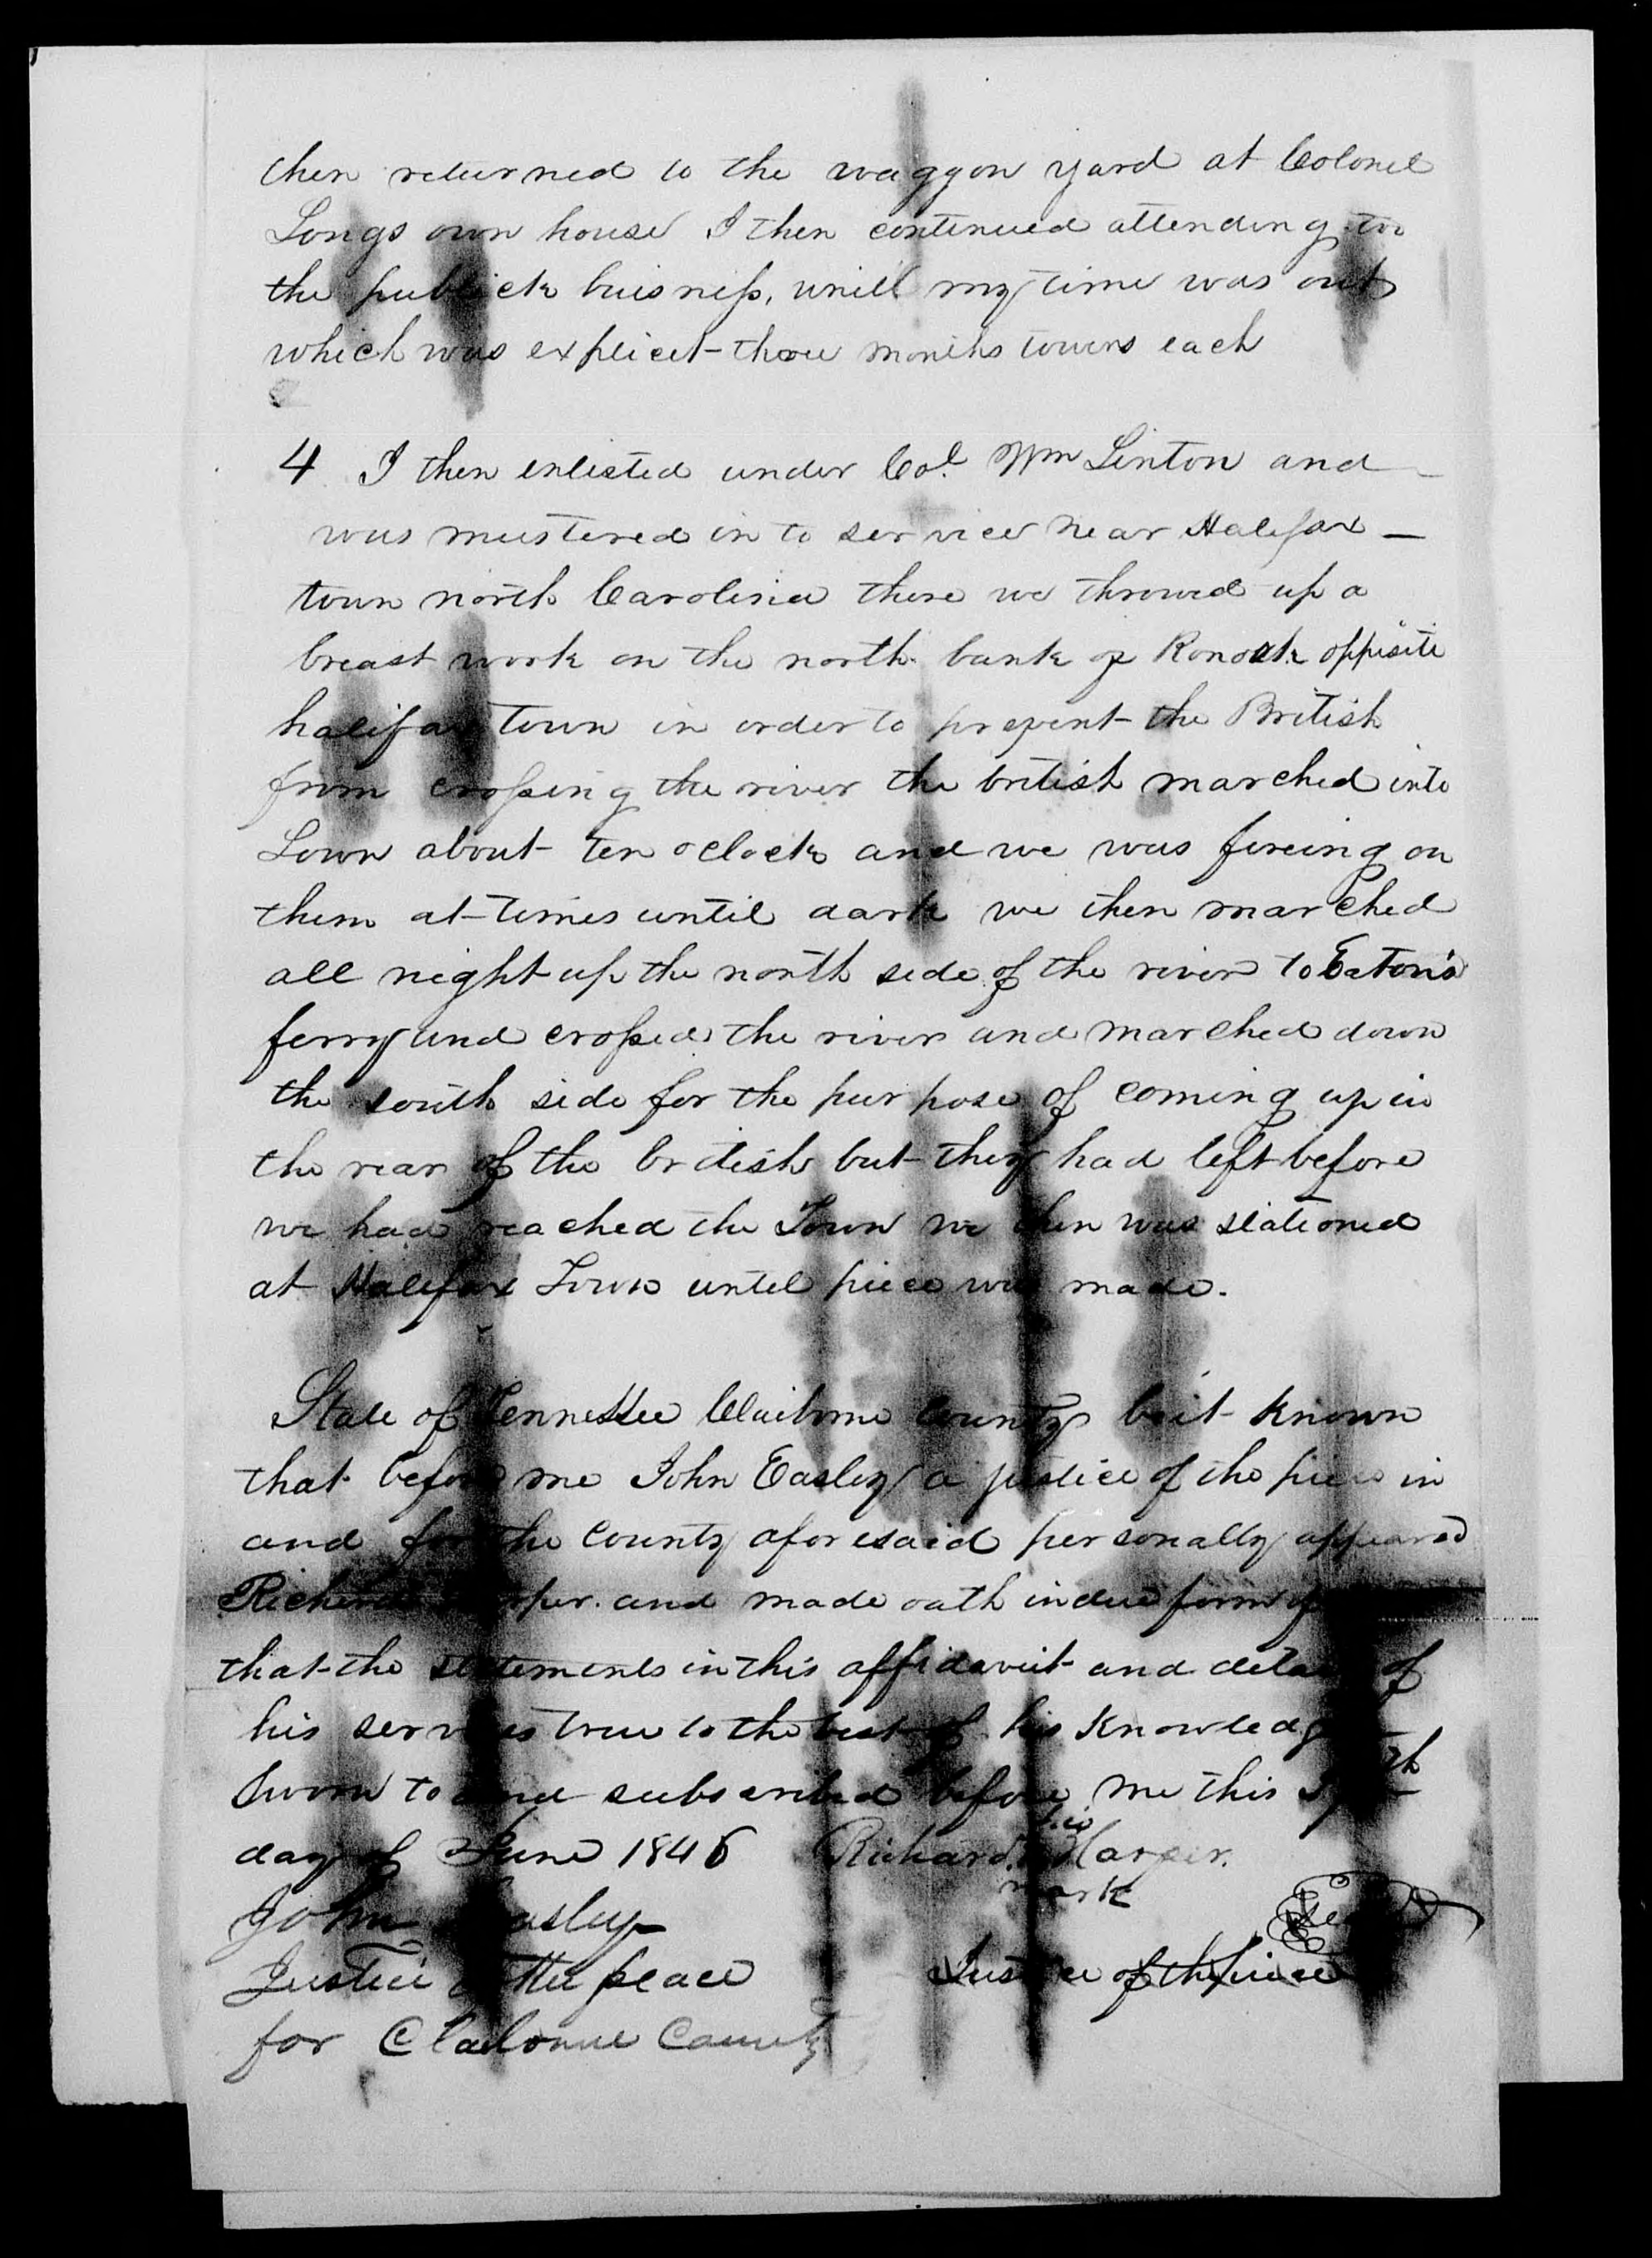then returned to the waggon yard at Colonel
Longs own house I then continued attending to
the publick buisness, unill my time was out
which was explicit three months towers [tours] each

4  I then enlisted under Col Wm Linton and
was mustered into service near Halifax-
town North Carolina there we throwed up a
breast work on the north bank of Ronock [Roanoke] opposite
halifax town in order to prevent the British
crossing the river the british marched into
Town about ten oclock and we was firing on
them at times until dark we then marched
all night up the north side of the river to Eaton's
ferry and crossed the river and marched down
the south side for the purpose of coming up in
the rear of the british but they had left before
we had reached the Town we then was stationed
at Halifax Town until piece [peace] was made.

State of Tennessee Claiborne County be it known
that before me John Easley a jutsice of the piece in
and for the county aforesaid personally appeared
Richard Harper and made oath in due form of [illegible]
that the statements in this affidavit and details of
his services true to the best of his knowledge
Sworn to and subscribed before me this 27th
day of June 1846.   Richard Harper x his mark

John Easley
Justice of the peace
for Claiborne County

Justice of the peace seal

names: Richard Harper, John Easley, Wm Linton, John Easley, Richard Harper, Long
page: 54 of 81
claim: survivor's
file: S. 1908, Richard Harper, N.C.